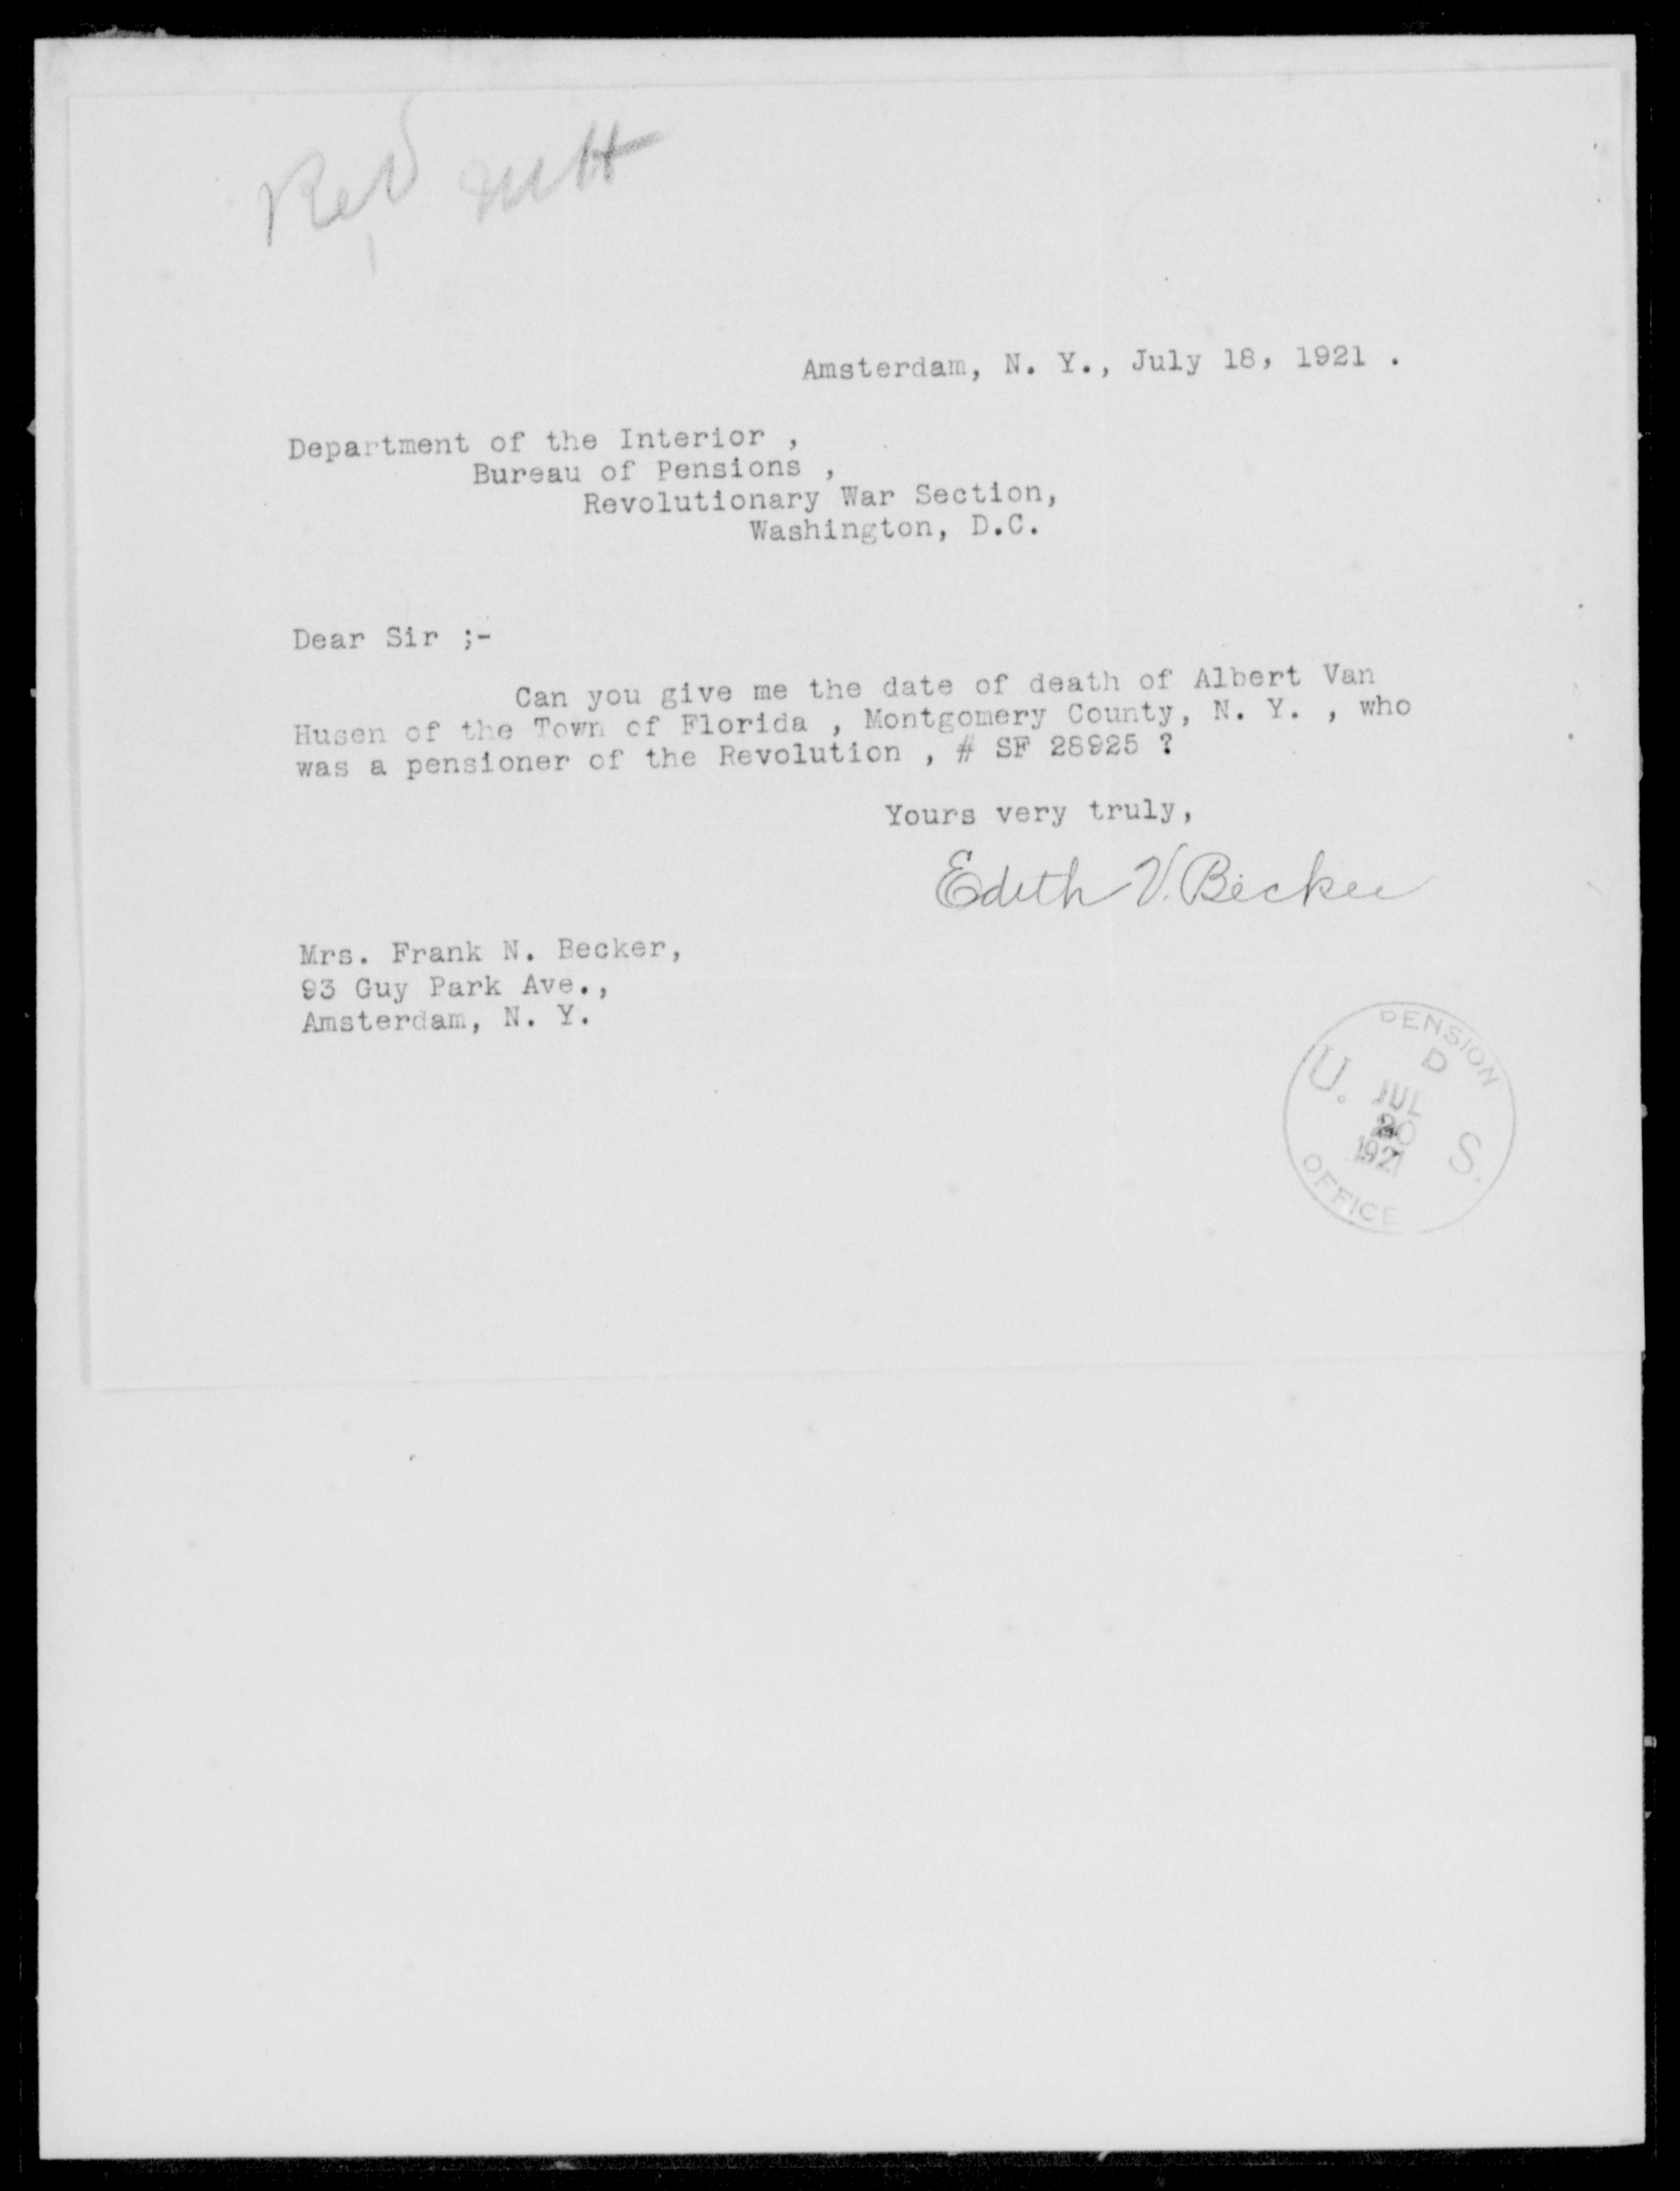Rev  MH
Amsterdam, N. Y., July 18, 1921. 
Department of the Interior, 
Bureau of Pensions, 
Revolutionary War Section, 
Washington, D.C. 

Dear Sir;- 
Can you give me the date of death of Albert Van Husen of the Town of Florida, Montgomery County, N. Y., who was a pensioner of the Revolution, # SF 28925? 
Yours very truly, 
[signed] Edith V. Becker 

Mrs. Frank N. Becker, 
93 Guy Park Ave., 
Amsterdam, N. Y.

[stamped]
U.S. Pension Office Jul 20 1921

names: Edith V Becker, Frank N Becker, Albert Van Husen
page: 41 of 57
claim: survivor's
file: S. 28,925, Albert Van Housen, New York